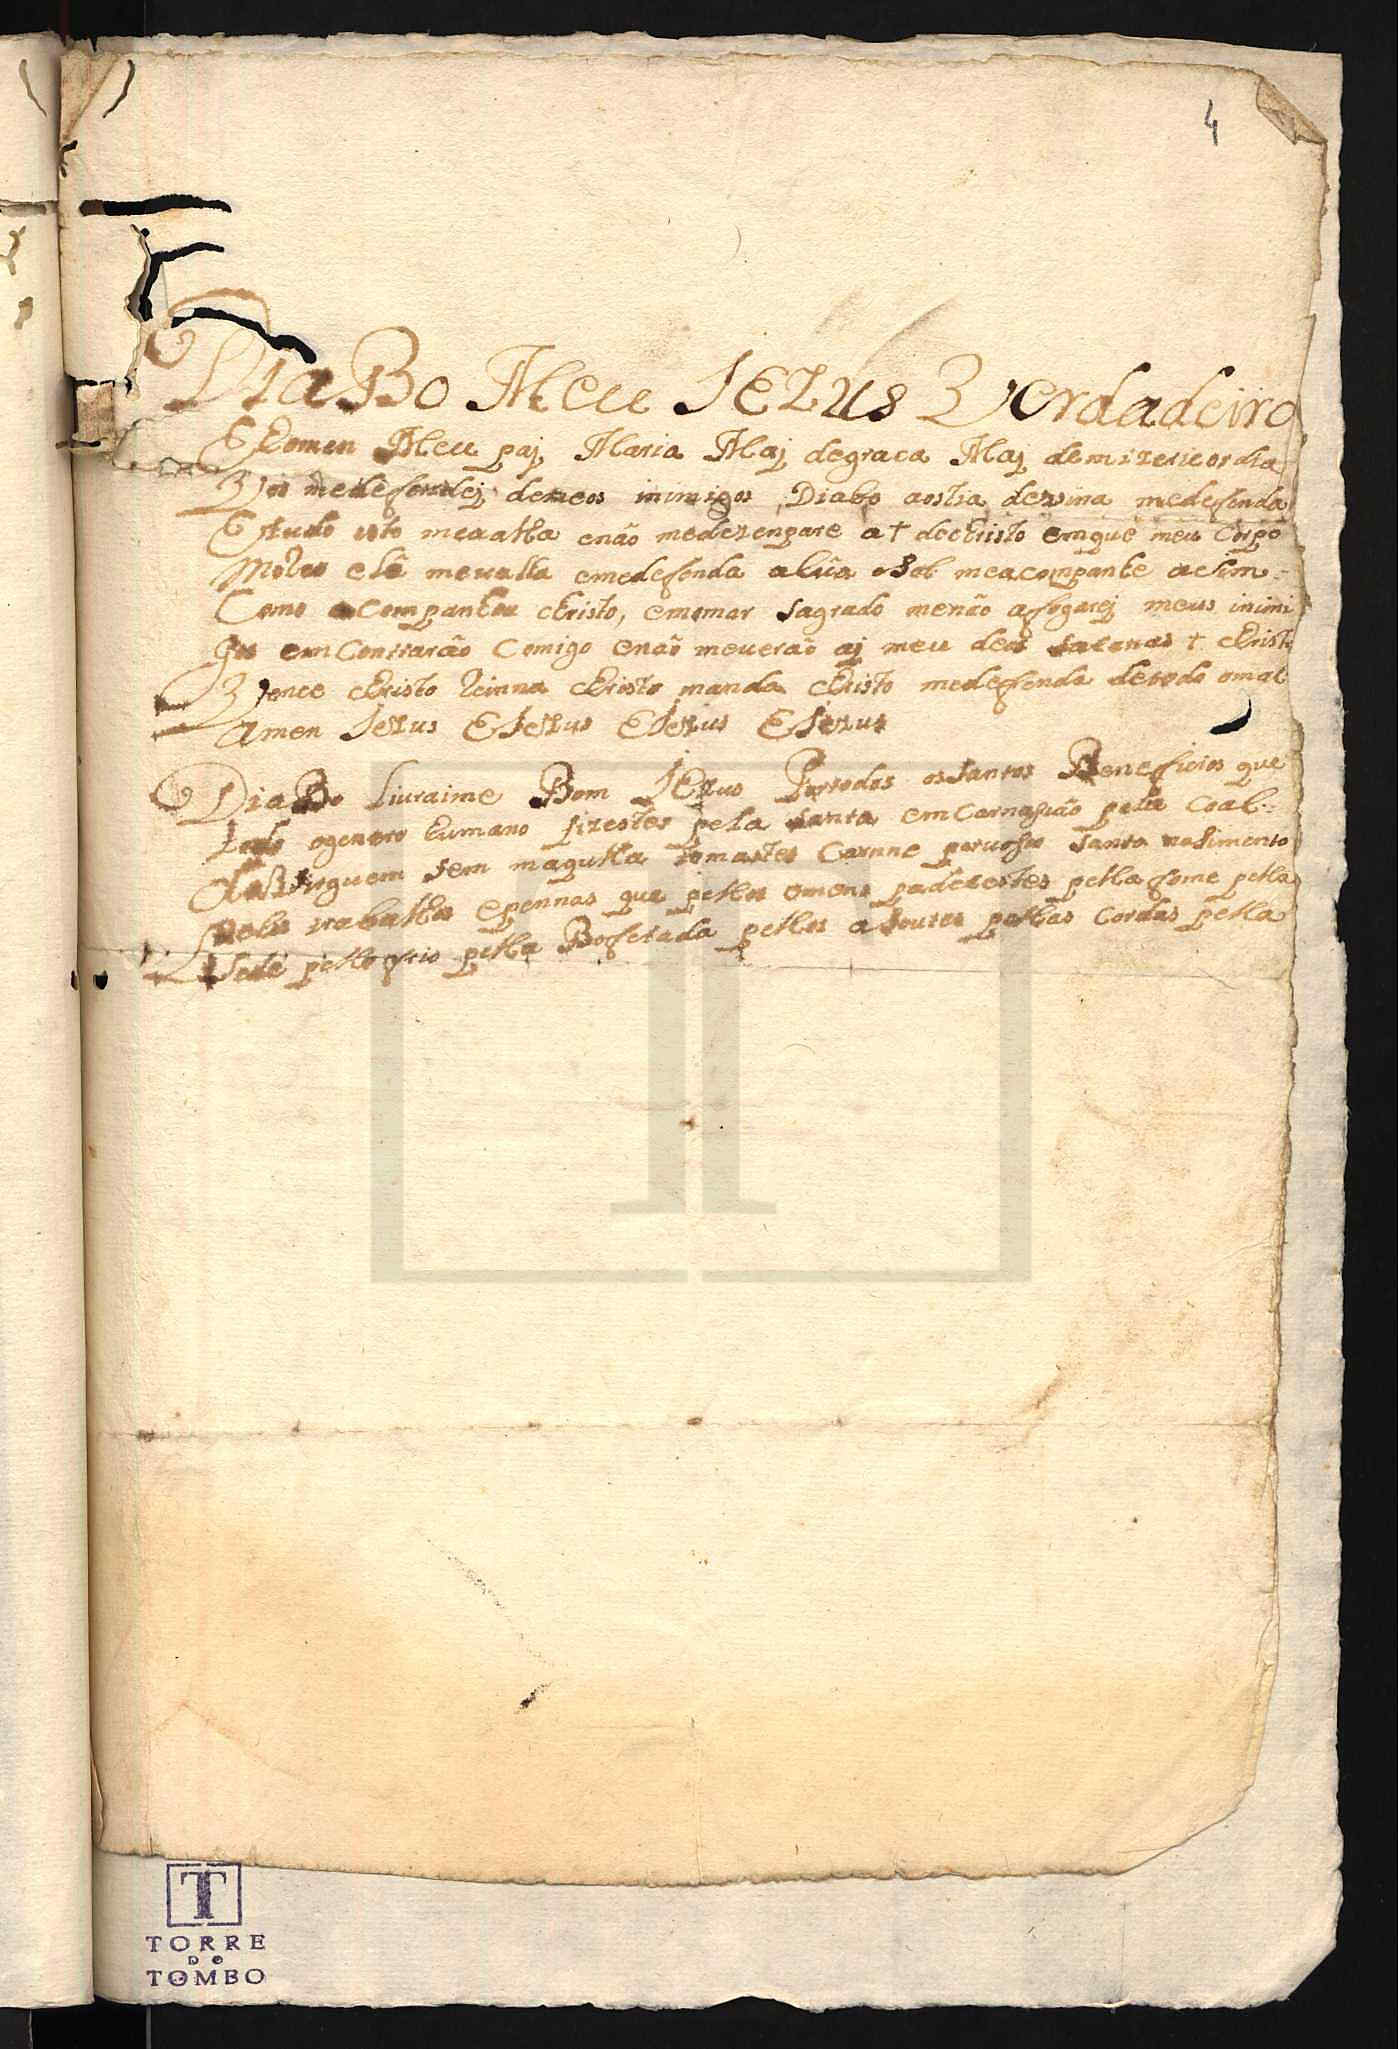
DiaBo Meu IEZUS Verdadeiro
E homen Meu paj Maria Maj de graça Maj de mizericordia
Vos me defendej de meos inimigos, Diabo a ostia devina me defenda
E tudo isto mevalha e naõ me dezenpare a + de christo em que meu corpo
moReo ela me ualha e me defenda a lua o sol me acompanhe asim
Como acompanhou christo, em o mar sagrado me não afogarej meus inimi
gos emcontraraõ comigo e naõ me ueraõ aj meu deus satanas + christo
Vence christo Reinna christo manda chisto me defenda de todo o mal
Amen Iezus E Iezus E Iezus E Iezus
DiaBo Liuraime Bom IEzus Por todos os santos Beneficios que
todo o genero humano fizestes pela santa emcarnassaõ pela coal
da Virguem sem maqulla tomastes Carnne por uoso santo nasimento
Pelo trabalho e pennas que pellos omens padecestes pella fome pella
Sede pello frio pella Bofetada pellos asoutes pellas cordas pella
